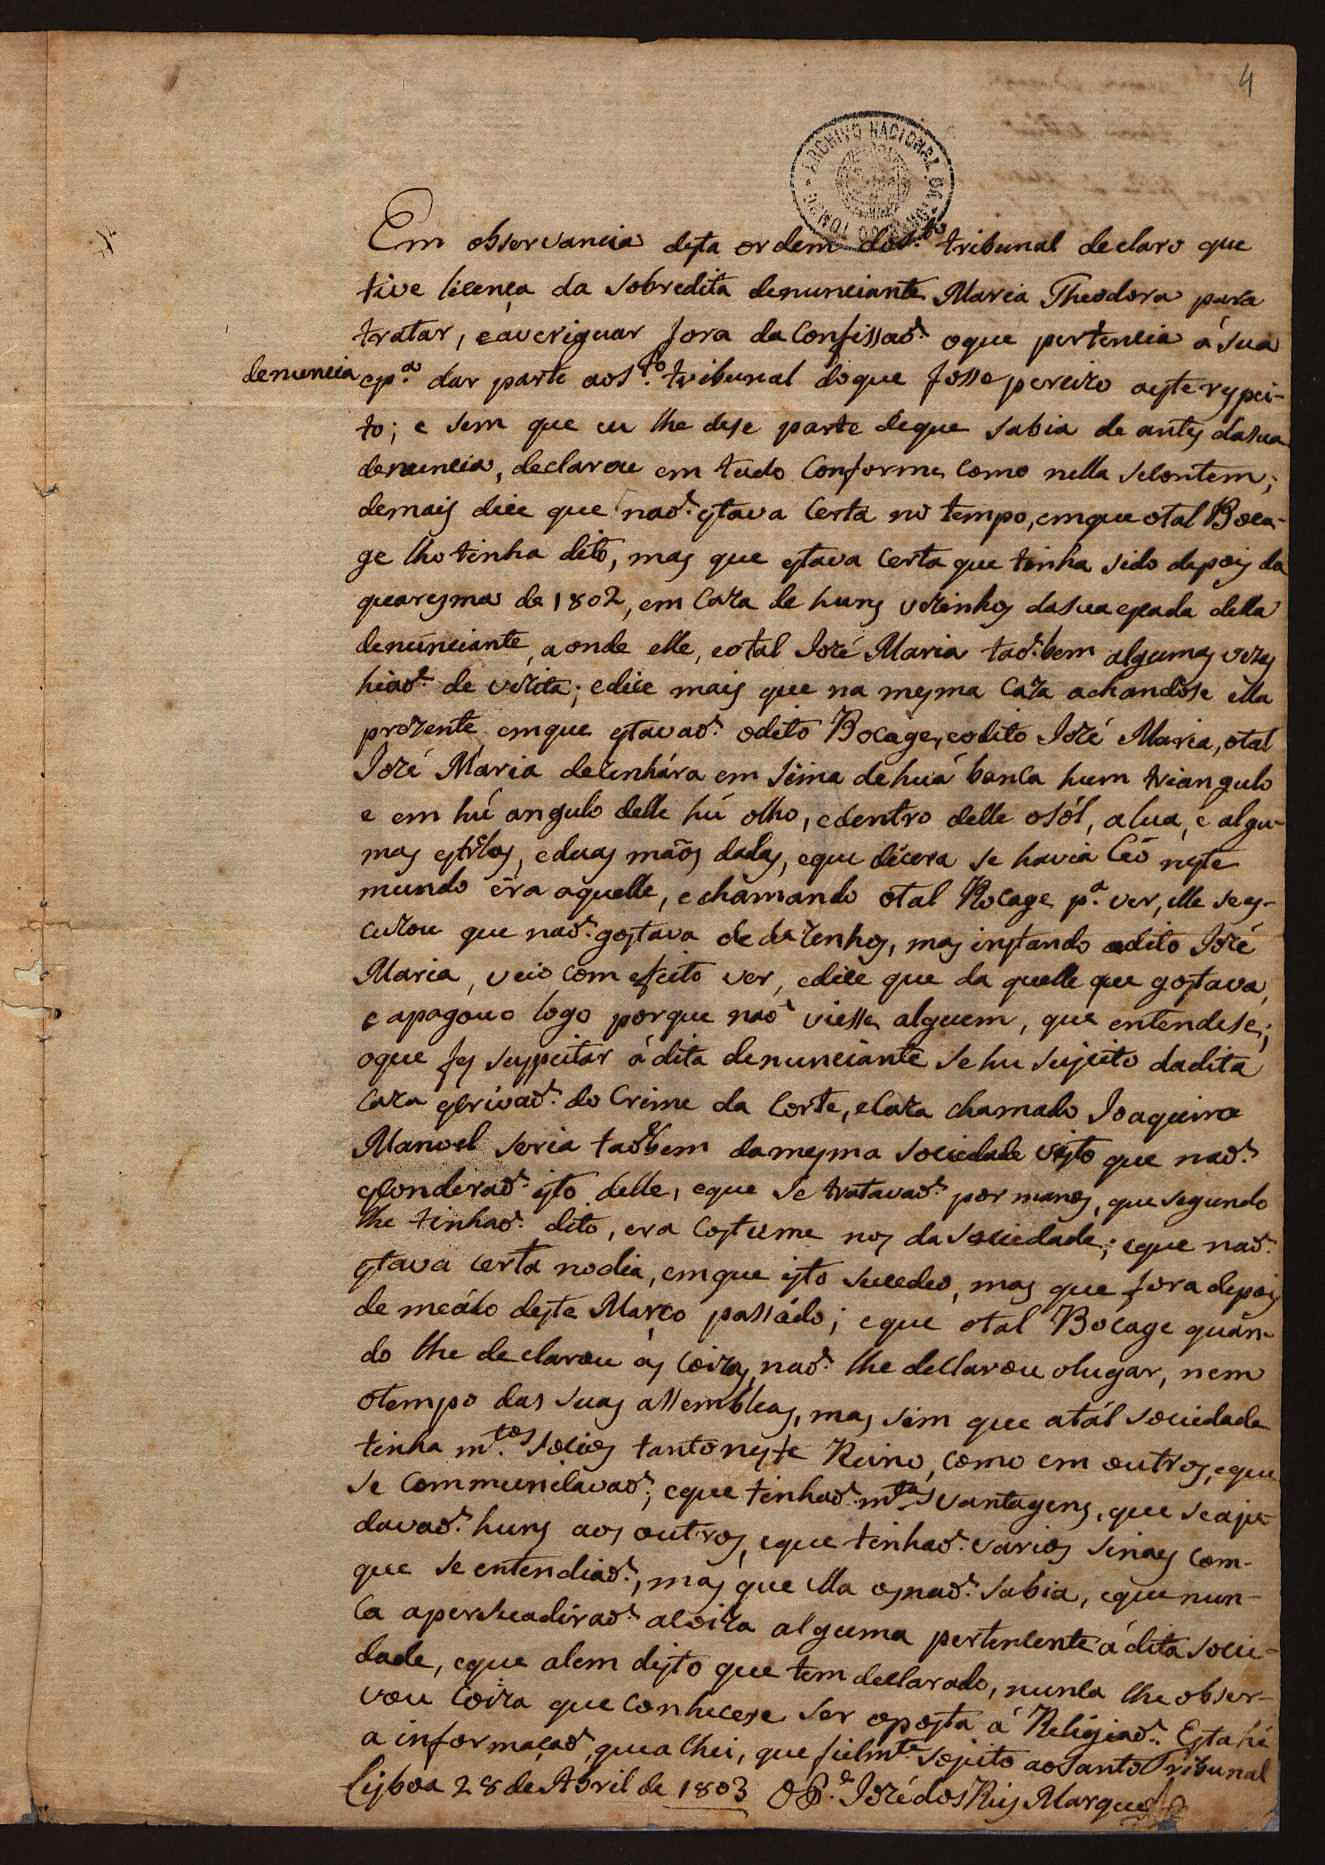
Em observancia desta ordem do Sto tribunal declaro que
tive licença da sobredita denunciante Maria Theodora para
tratar, e averiguar fora da confissaõ o que pertencia á sua
denuncia e p.a dar parte ao Sto tribunal do que fosse percizo a este respei
to; e sem que eu lhe dese parte de que sabia de antes da sua
denuncia, declarou em tudo conforme como nella se contem;
demais dice que naõ estava certa no tempo, em que o tal Boca
ge lho tinha dito, mas que estava certa que tinha sido depois da
quaresma de 1802, em caza de huns vezinhos da sua escada della
denunciante, aonde elle, e o tal Jozé Maria taõbem algumas vezes
hiaõ de vizita; e dice mais que na mesma caza, achandose ella
prezente em que estavaõ o dito Bocage, e o dito Jozé Maria, o tal
Jozé Maria dezenhára em sima de huā banca hum triangulo
e em hū angulo delle hū olho, e dentro delle o sól, a lua, e algu
mas estrelas, e duas mãos dadas, e que dicera, se havia Céo neste
mundo éra aquelle, e chamando o tal Bocage p.a ver, elle se es
cuzou que naõ gostava de dezenhos, mas instando o dito Jozé
Maria, veio com efeito ver, e dice que daquelle que gostava,
e apagou o logo por que naõ viesse alguem, que entendese;
o que fez suspeitar á dita denunciante se hu sujeito da dita
caza escrivaõ do Crime da Corte, e Caza chamado Joaquim
Manoel seria taõbem da mesma sociedade visto que naõ
esconderaõ isto delle, e que se tratavaõ por manos, que segundo
lhe tinhaõ dito, era costume nos da sociedade; e que naõ
estava certa no dia, em que isto sucedeo, mas que fora depois
de meado deste Março passado; e que o tal Bocage quan
do lhe declarou as coizas, naõ lhe declarou o lugar, nem
o tempo das suas assembleas, mas sim que a tal sociedade
tinha m.tos soçios tanto neste Reino, como em outros, e que
se communicavaõ; e que tinhaõ m.tas vantagens, que se aju
davaõ huns aos outros, e que tinhaõ varios sinaes com
que se entendiaõ, mas que ella os naõ sabia, e que nun
ca apersuadiraõ a coiza alguma pertencente á dita socie
dade, e que alem disto que tem declarado, nunca lhe obser
vou coiza que conhecese ser oposta á Religiaõ. Esta hé
a informaçaõ que achei, que fielm.te sojeito ao Santo Tribunal
Lisboa 28 de Abril de 1803. O P.e José dos Reis Morgado
